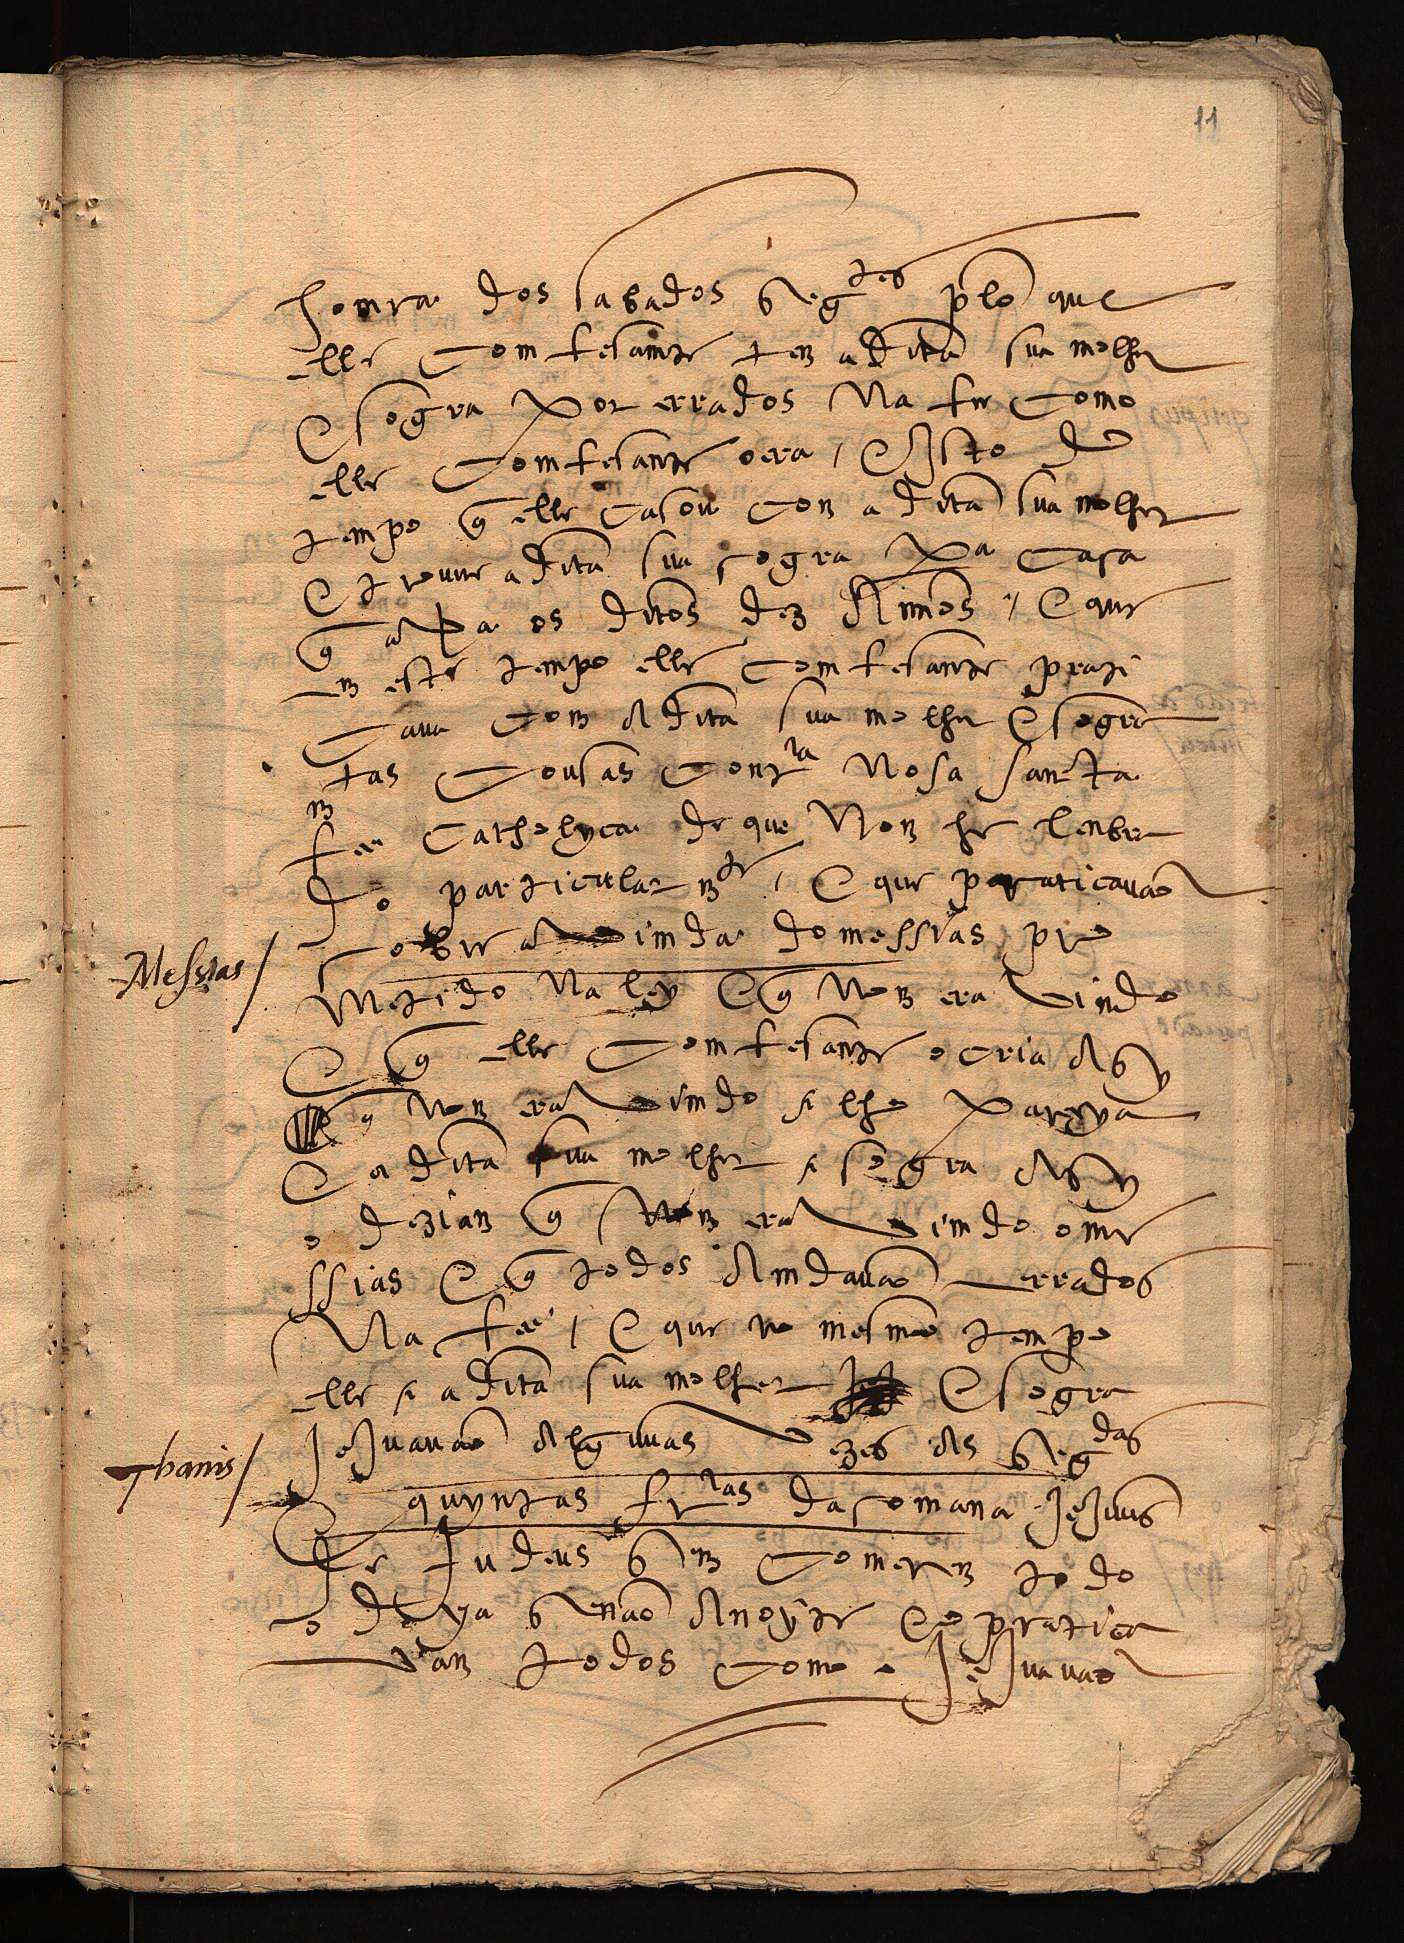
homra dos sabados segtes p̄lo que
elle Comfesamte tem a d̄ita sua molher
e sogra por errados Na fee Como
elle Comfesante o era / e Jsto do
tempo q̄ elle casou com a dīta sua molher
e trouue a d̄ita sua sogra ꝑa casa
q̄ aꝟa os dit̄os dez Annōs / e que
em este tempo elle comfesante prati
Caua com A d̄ita sua molher e sogra
mtas Cousas Contra Nosa Sancta
fee Catholyca de que Nom he lenbra
do particularmte / e que praticauão
sobre a vimda do messias pro
Messias /
Metido Na ley e q̄ nom era vindo
e q̄ elle comfesante o cria Asy
e q̄ nom era vimdo e lhe parecya
e a dīta sua molher e sogra Asy
o deziam q̄ Nom era vimdo o me
SSias e q̄ todos Amdauão errados
Na fee / e que no mesmo tempo
elle e a dīta sua molher JeJ e sogra
Thanis
Jejuauão Alguūas vezes As segdas
e quyntas frras da somana JeJuūs
de Judeus sem comerem todo
o dya senão A noyte e o pratica
vam todos como o JeJuauão
